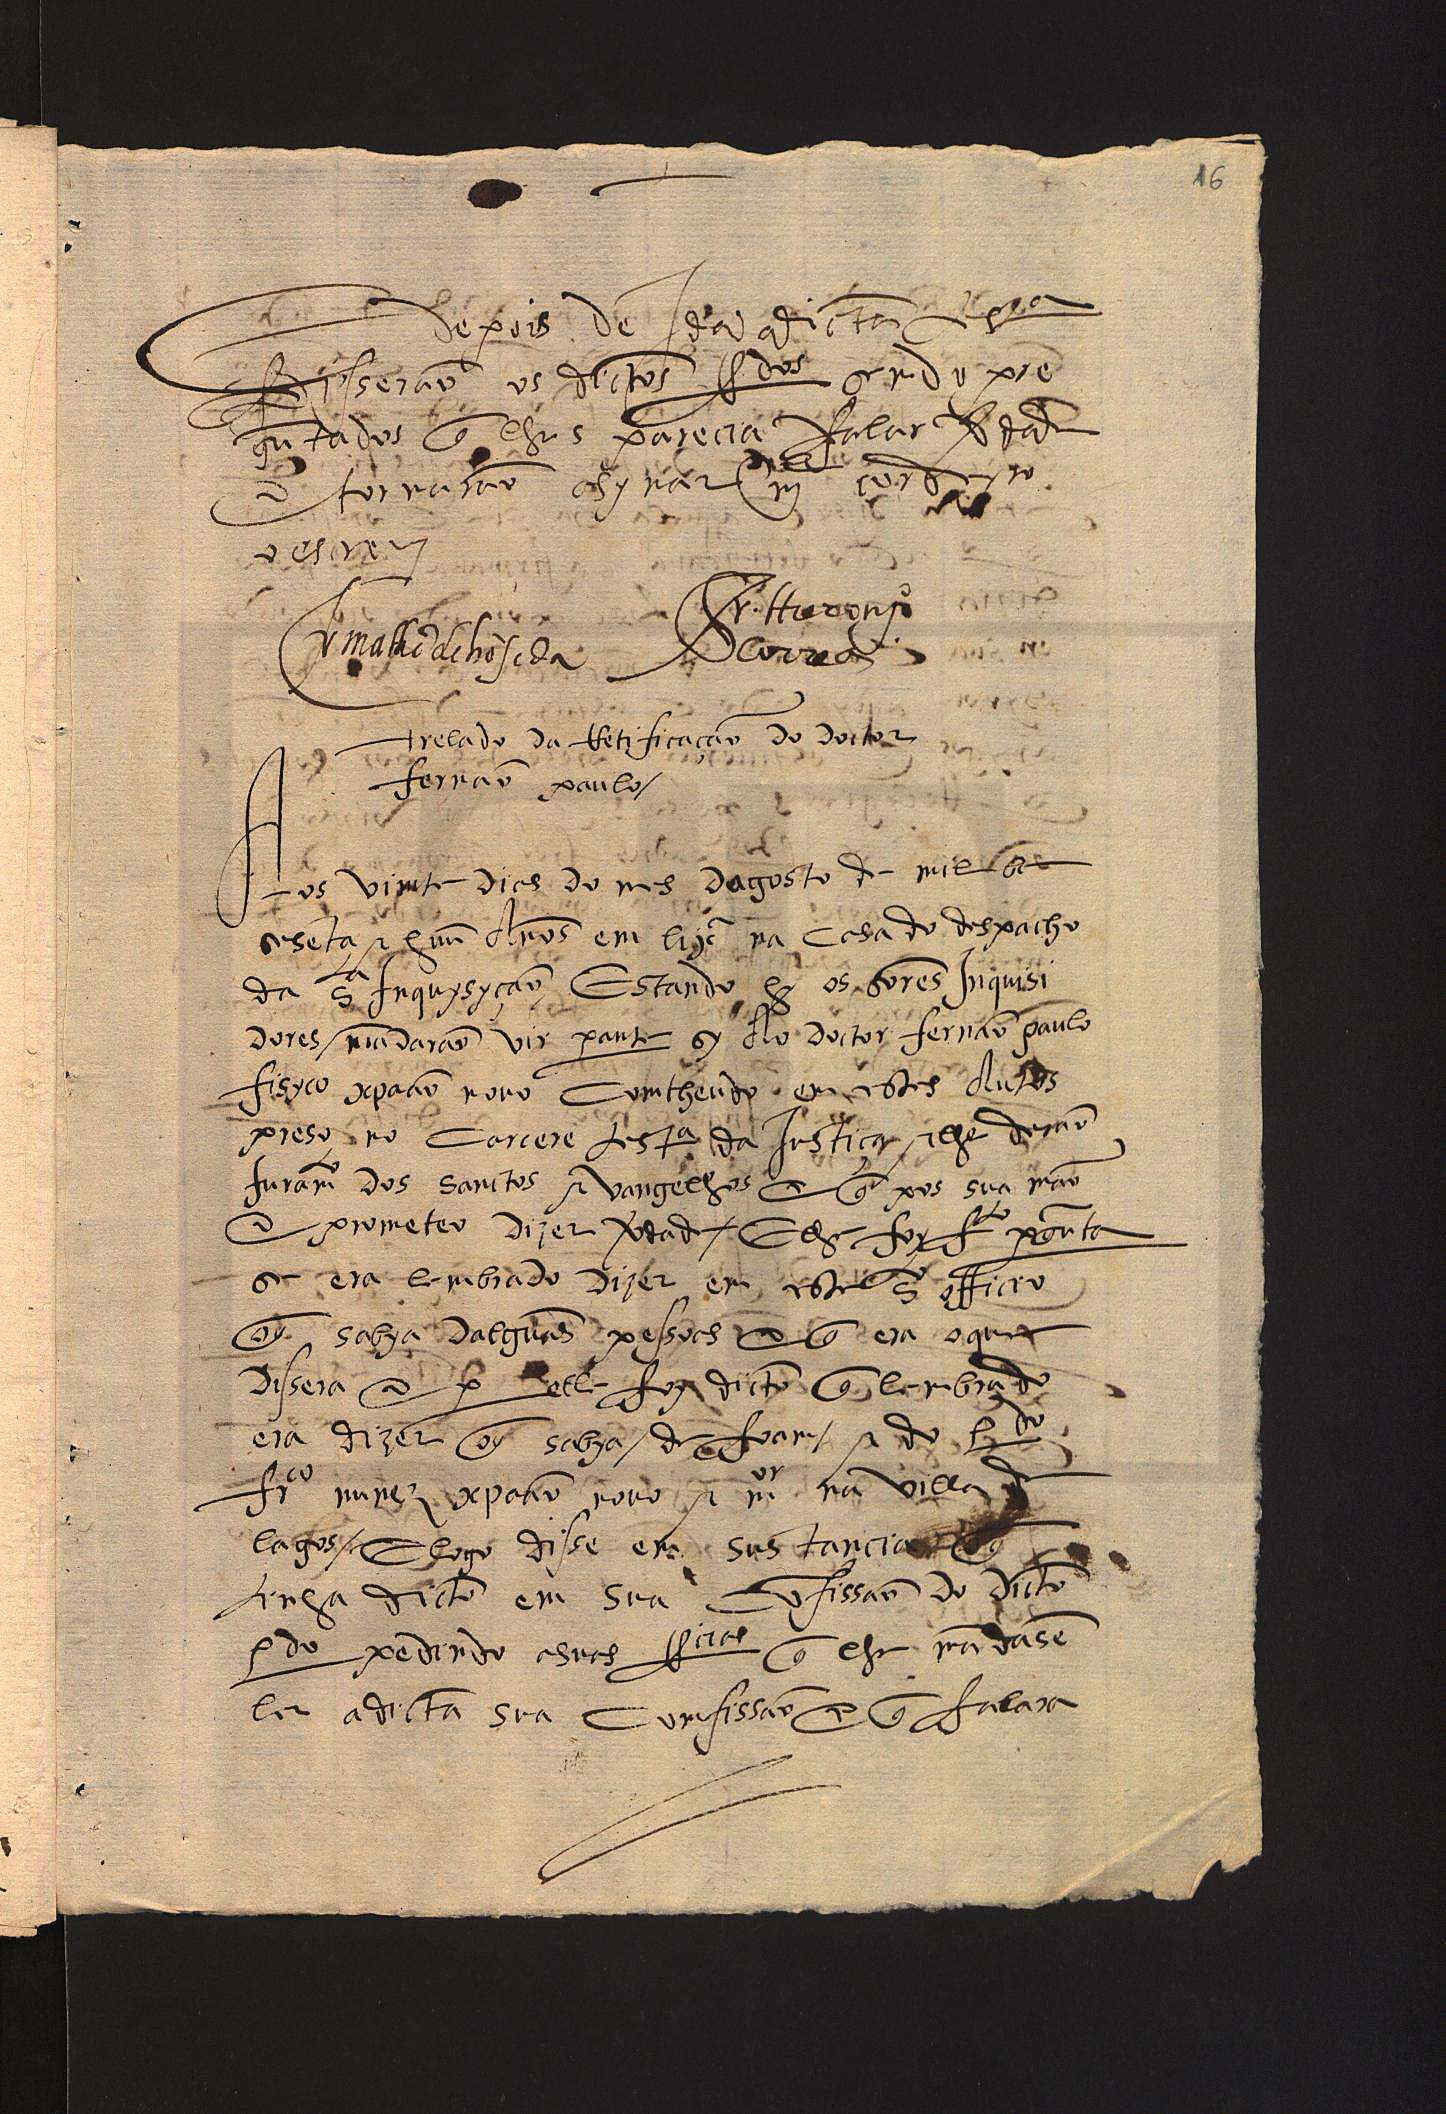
E depois de Jda a dic̄ta testa
Disserão os dictos Rdos sendo pre
gūtados q̄ lhes parecia falar ꝟdade
e tornarão asynar mel cordeyro
o escrevj
fr. Hieronjo
correa
fr mathē de hoyeda
trelado da Retificação do doctor
fernaõ paulo/
Aos vimte dias do mes dagosto de mil bc
sesēta e hūu An̄os em lixa na casa do despacho
da sta Jnquysyção Estando hy os s̄ores Jnquisi
dores mādarão vir ꝑante sy Ao doctor fernão paulo
fisyco xpaão nouo Comtheudo em estes Autos
preso no Carcere testa da Justiça e lhe derão
Juramto dos sanctos evangelhos ē q̄ pos sua mão
e prometeo dizer ꝟdade / E lhe foy fto ꝑgūta
se era lembrado dizer em este Sto officio
o q̄ sabya dalgūas pessoas e q̄ era o que
dissera q̄ ꝑ elle foy dic̄to q̄ lembrado
era dizer o q̄ sabya de foam/ e do Ldo
frco nunez xpaão nouo e mor na villa de
lagos / e logo disse em sustancia q̄
tinha dic̄to em sua Cōfissão do dīcto
Ldo pedindo a suas Rcias q̄ lhe mādas̄e
ler a dic̄ta sua Comfissão ē q̄ falara
